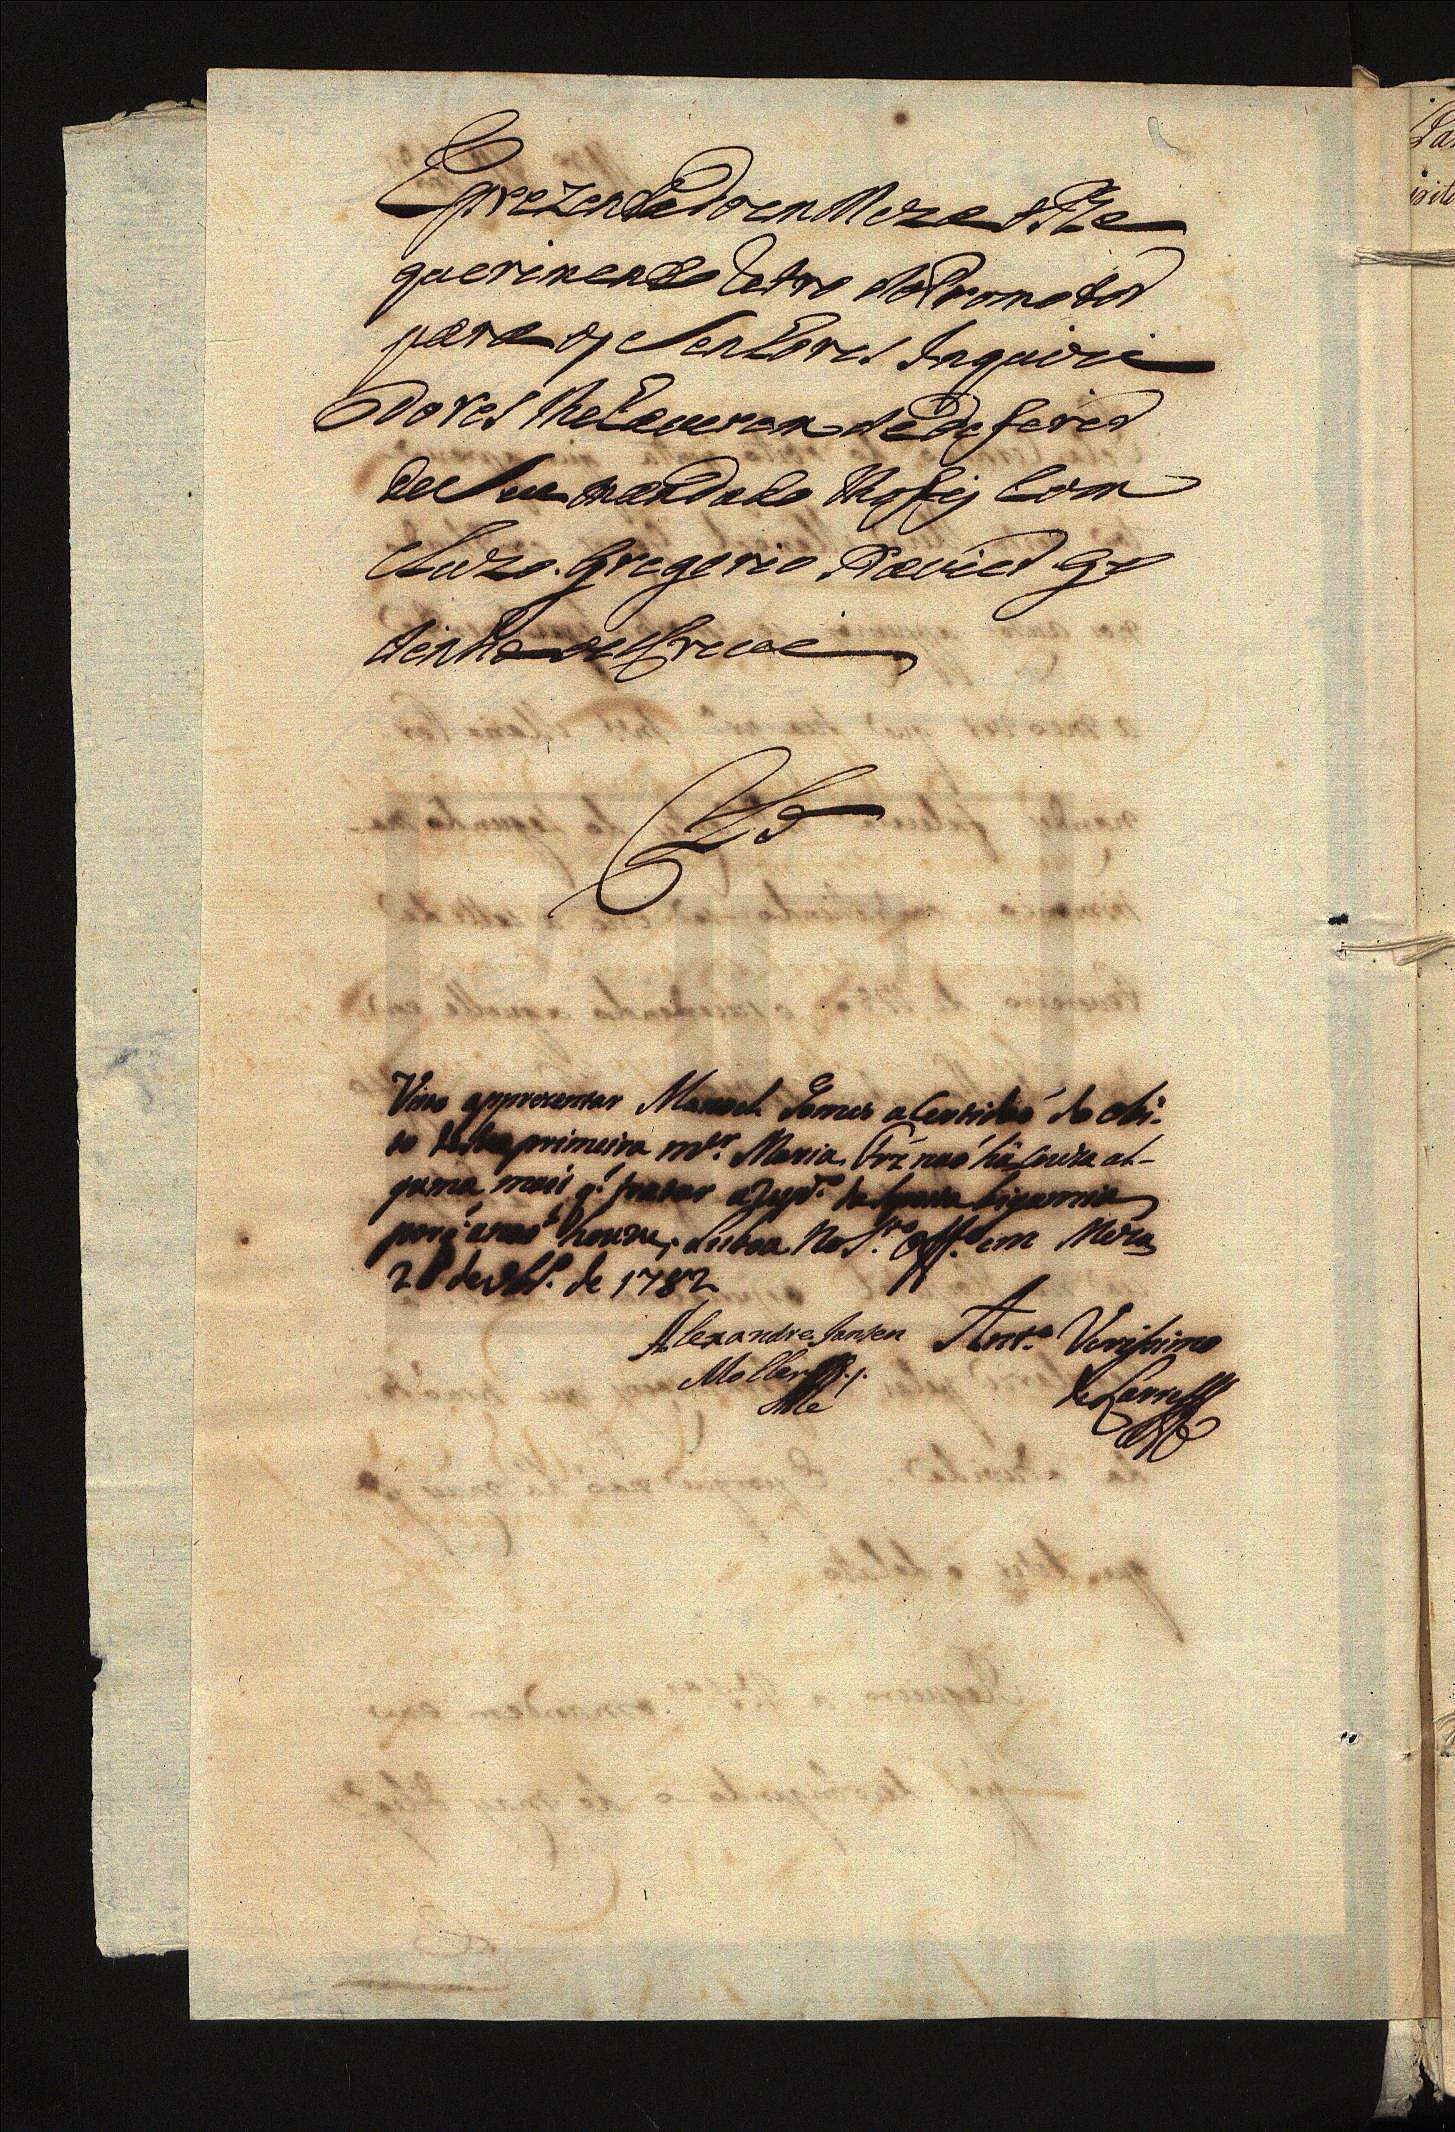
E prezentado em Meza o Re
querimento Retro do Promotor
para os Senhores Inquizi
dores lhe haveram de deferir
de Seu mandado lho fes Com
cluzo Gregorio Xavier go
denho o esCreui
CLo
Visto apprezentar Manoel Gomes a Certidaõ do obi
to desta primeira m.er Maria Frz̄ naõ há Couza al
guma mais p̄. tratar a Just.o da Suposta bigamia
porq̄ a naõ houve; Lisboa no s.to off.o em Meza
28 de 9br.o de 1782
